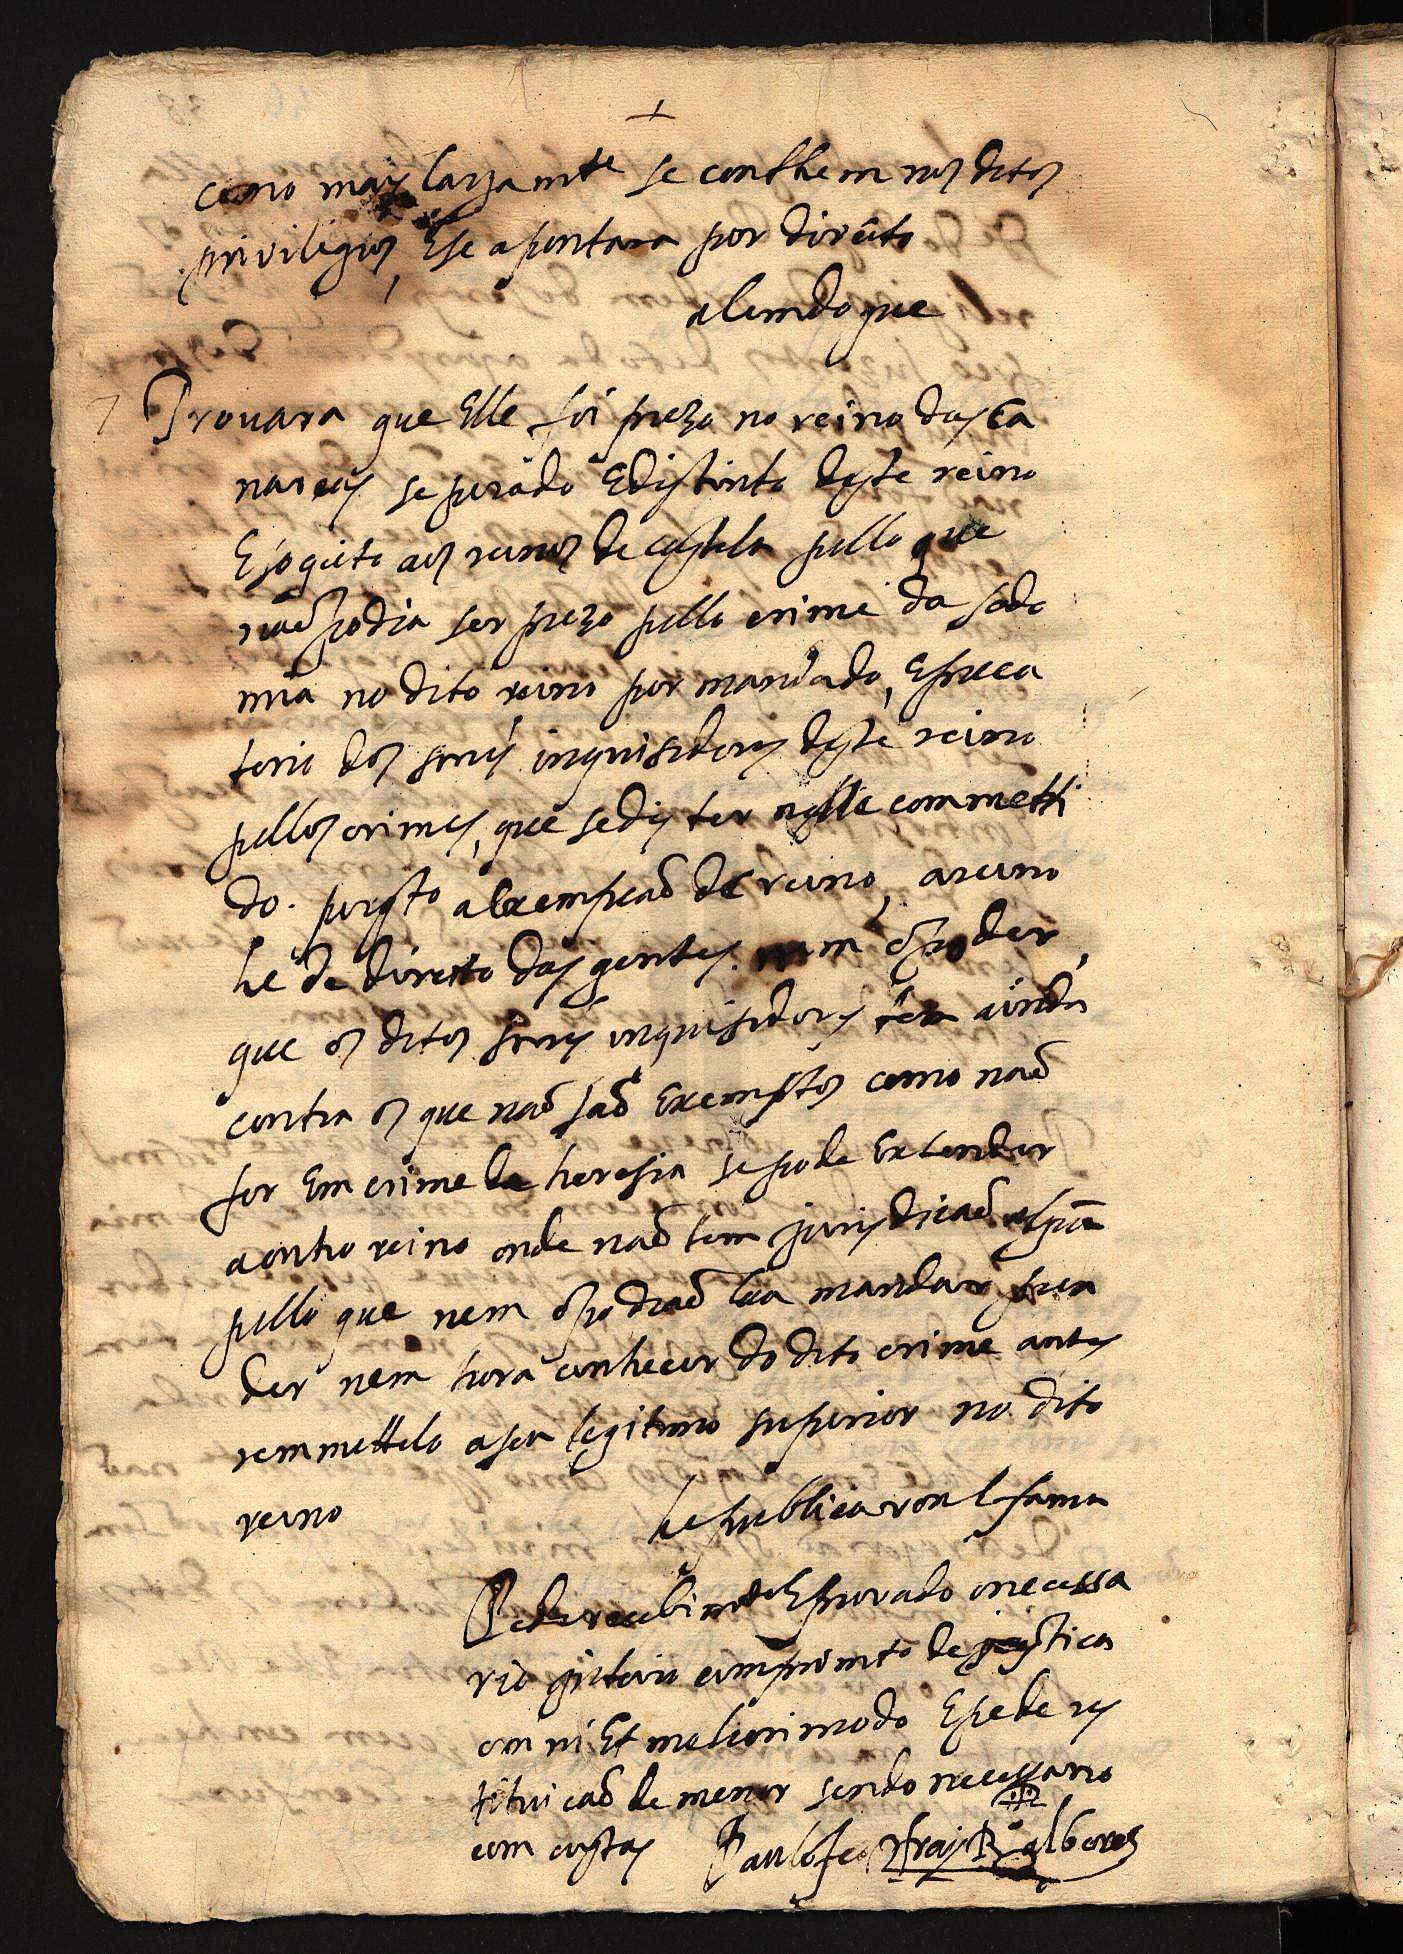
como mais largamte se conthem nos ditos
privilegios, E se apontara por direito
alem do que
7 Prouara que Elle foi prezo no reino das ca
nareas seperado E distinto deste reino
E sogeito aos nunes de castela pello que
naõ podia ser prezo pello crime da Sodo
mia no dito reino por mandado, E preca
toria dos snres̄ inquisidores deste reino
pellos crimes, que se dis ter nelle commetti
do. porqto a exempçaõ de reino, a reino
he de direito das gentes _m o poder
que os ditos snres̄ inquisidores tem ainda
contra os que naõ saõ Exemplos como naõ
for Em crime da heresia se pode Extender
a outro reino onde naõ tem jurisdiçaõ alguā
pello que nem o podiaõ laa mandar pren
der nem hora conhecer do dito crime antes
remmettelo a seu legitimo superior no dito
reino
he publicaron fama
Pede recebim.to E provado o necessa
rio jnteiro compromto de justiça
omni Et meliori modo E pede res
tituiçaõ de menor sendo necessario
com custas
Paulo fez fray Ro albores
